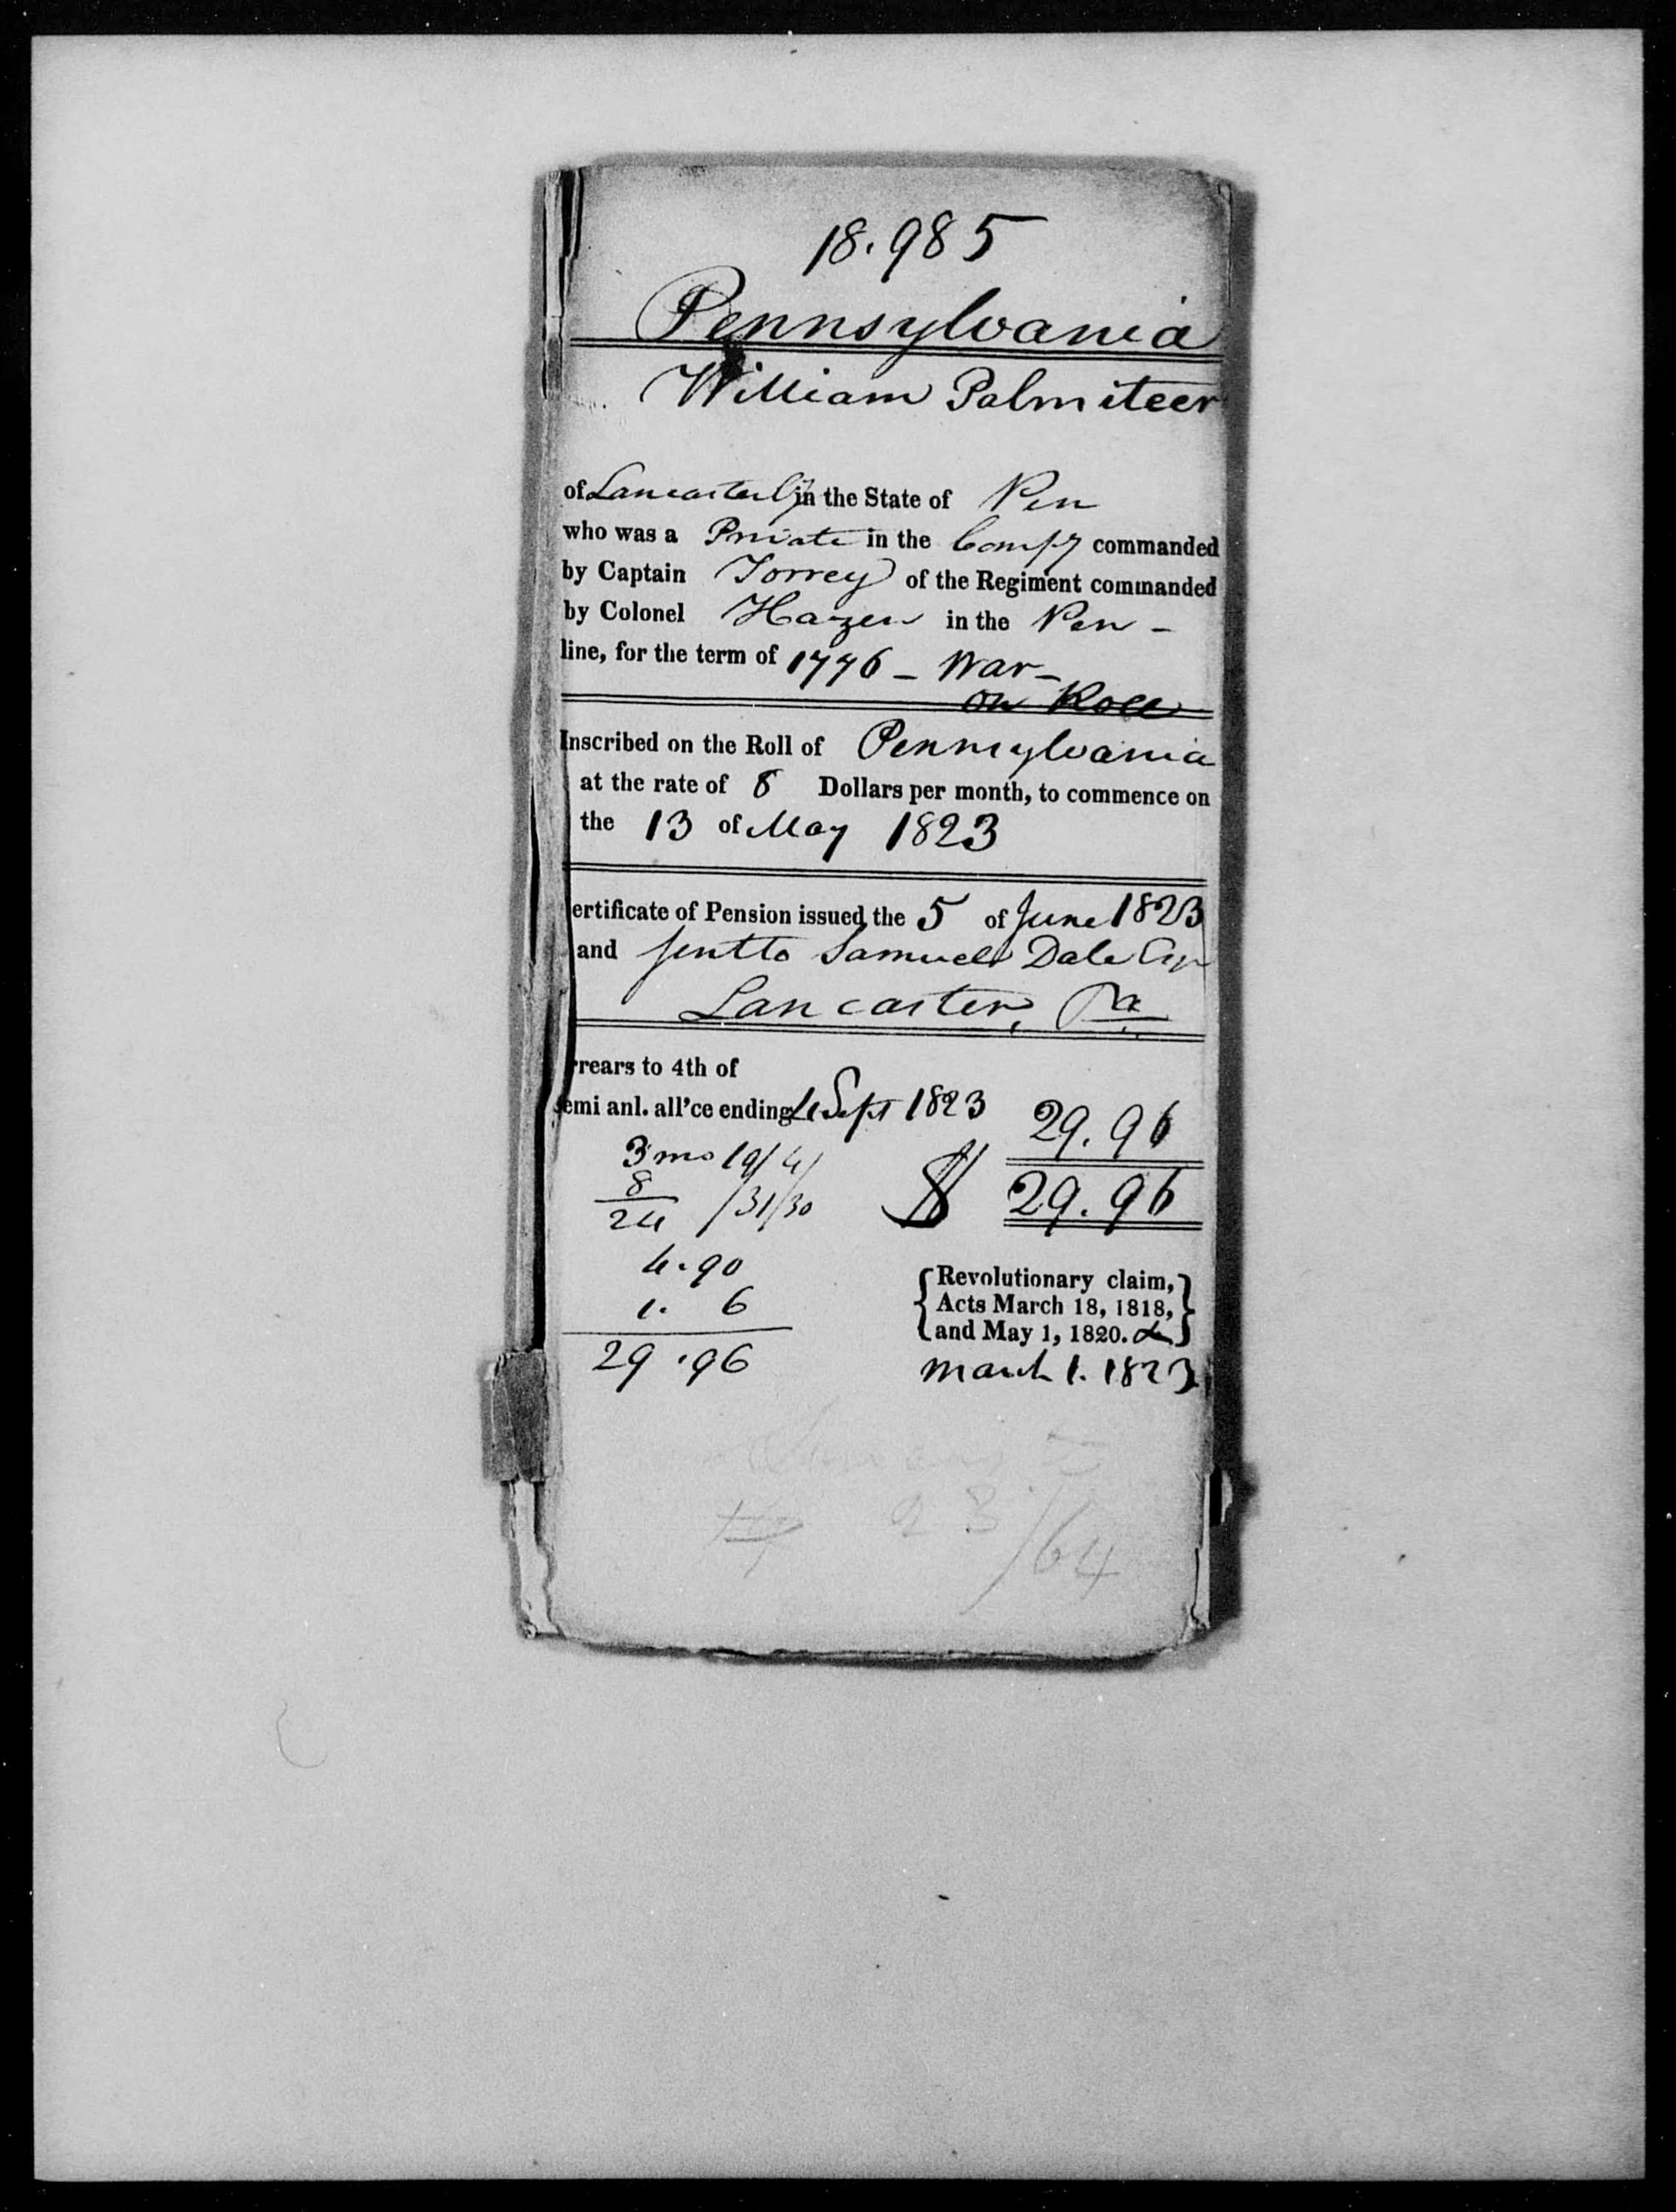18.985
Pennsylvania

William Palmiteer

of Lancaster in the State of Pen who was a Private in the company commanded by Captain Torrey of the regiment commanded by Colonel Hazen in the Pen. Line, for the term of 1776 - Mar - on roll.

Inscribed in the Roll of Pennsylvania at the rate of 8 dollars per month, to commence on the 13 of May 1823.

Certificate of Pension issued the 5 of June 1823 and sent to Samuel Dale Esq. Lancaster, Pa.

Arrears to 4th of 
Semi anl. all'ce ending 4 Sept 1823     29.96
                                                           $29.96
3mos 19/6/
 8          /31/30
6.90
1.  6
____
29.96
                                       (Revolutionary claim}
                                        {Act March 18, 1818}
                                         {and May 1, 1820.}
                                         March 1, 1823.

Summary to J.G.   28/64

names: [BLANK] Hazen; Samuel Dale; [BLANK] Torrey; William Palmiteer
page: 2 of 14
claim: survivor's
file: S. 40242, for William Palmiteer, Pennsylvania